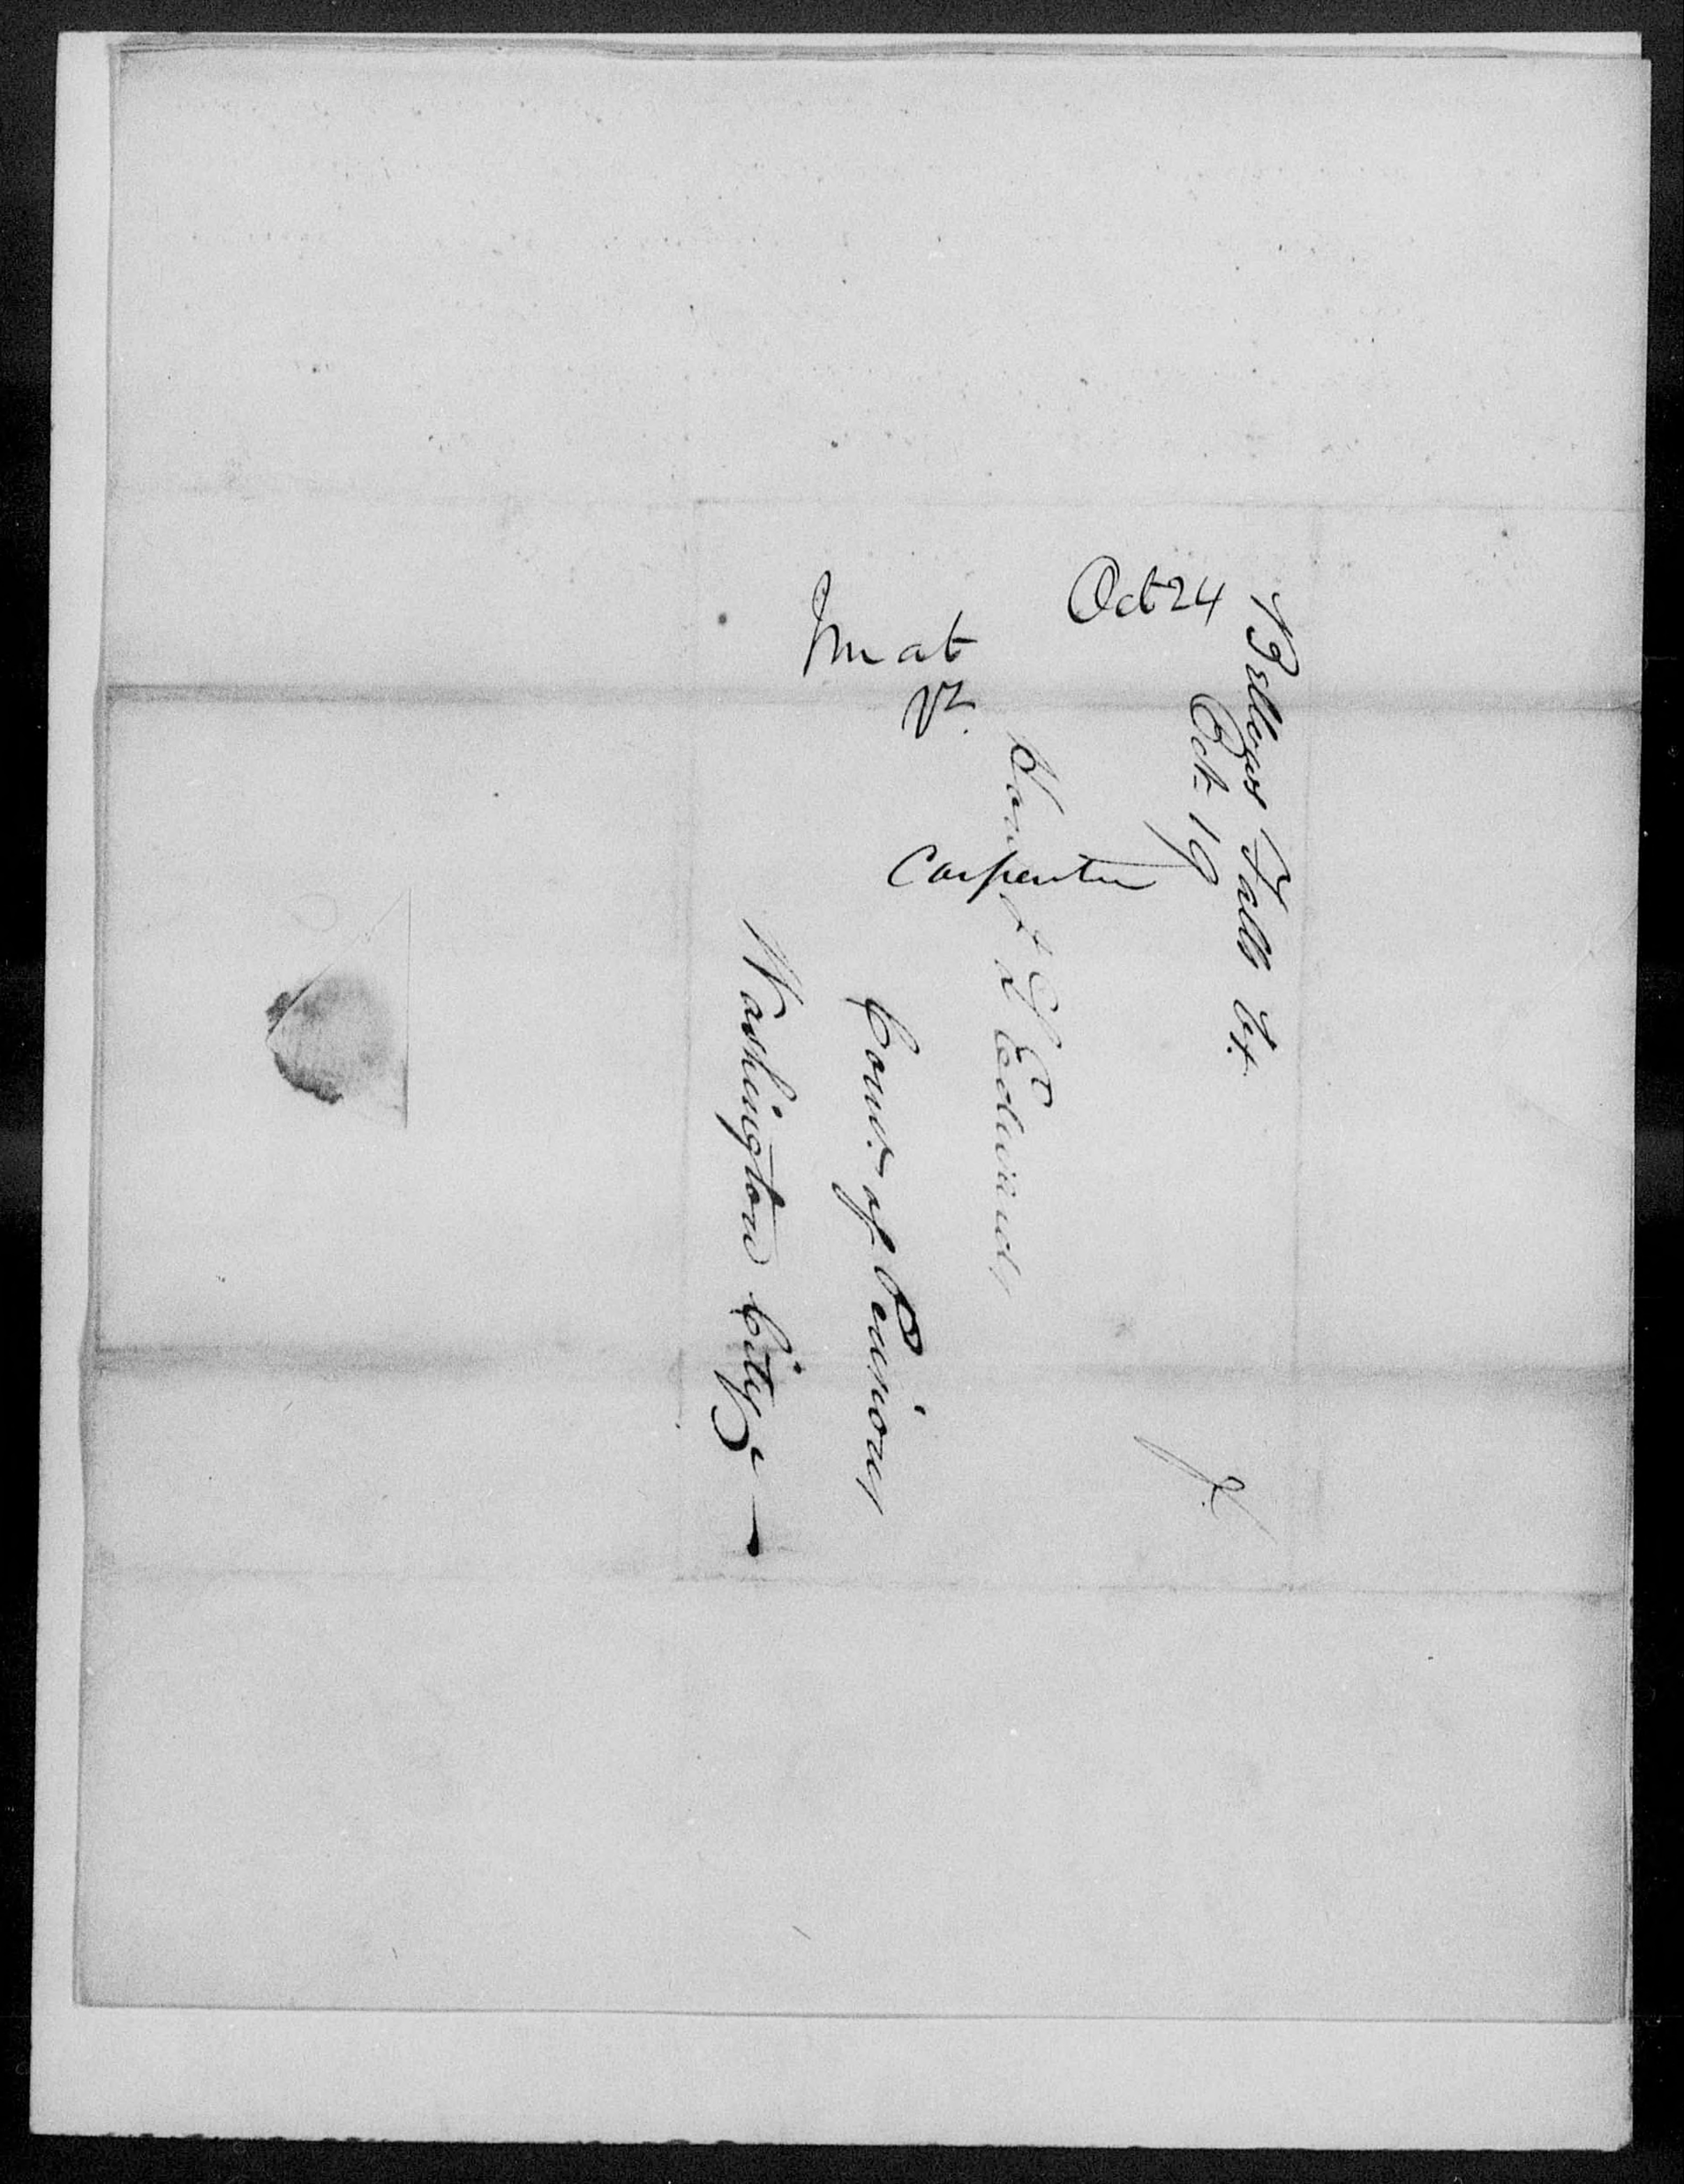[addressed envelope]
Bellows Falls Vt.
Oct. 19

fr

Hon J L Edwards
Com'r of Pensions
Washington City 

[annotated: J, at Vz. Oct 24 Carpenter]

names: Carpenter, J L Edwards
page: 30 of 41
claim: widow's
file: W. 15627, Timothy Carpenter, Vt.